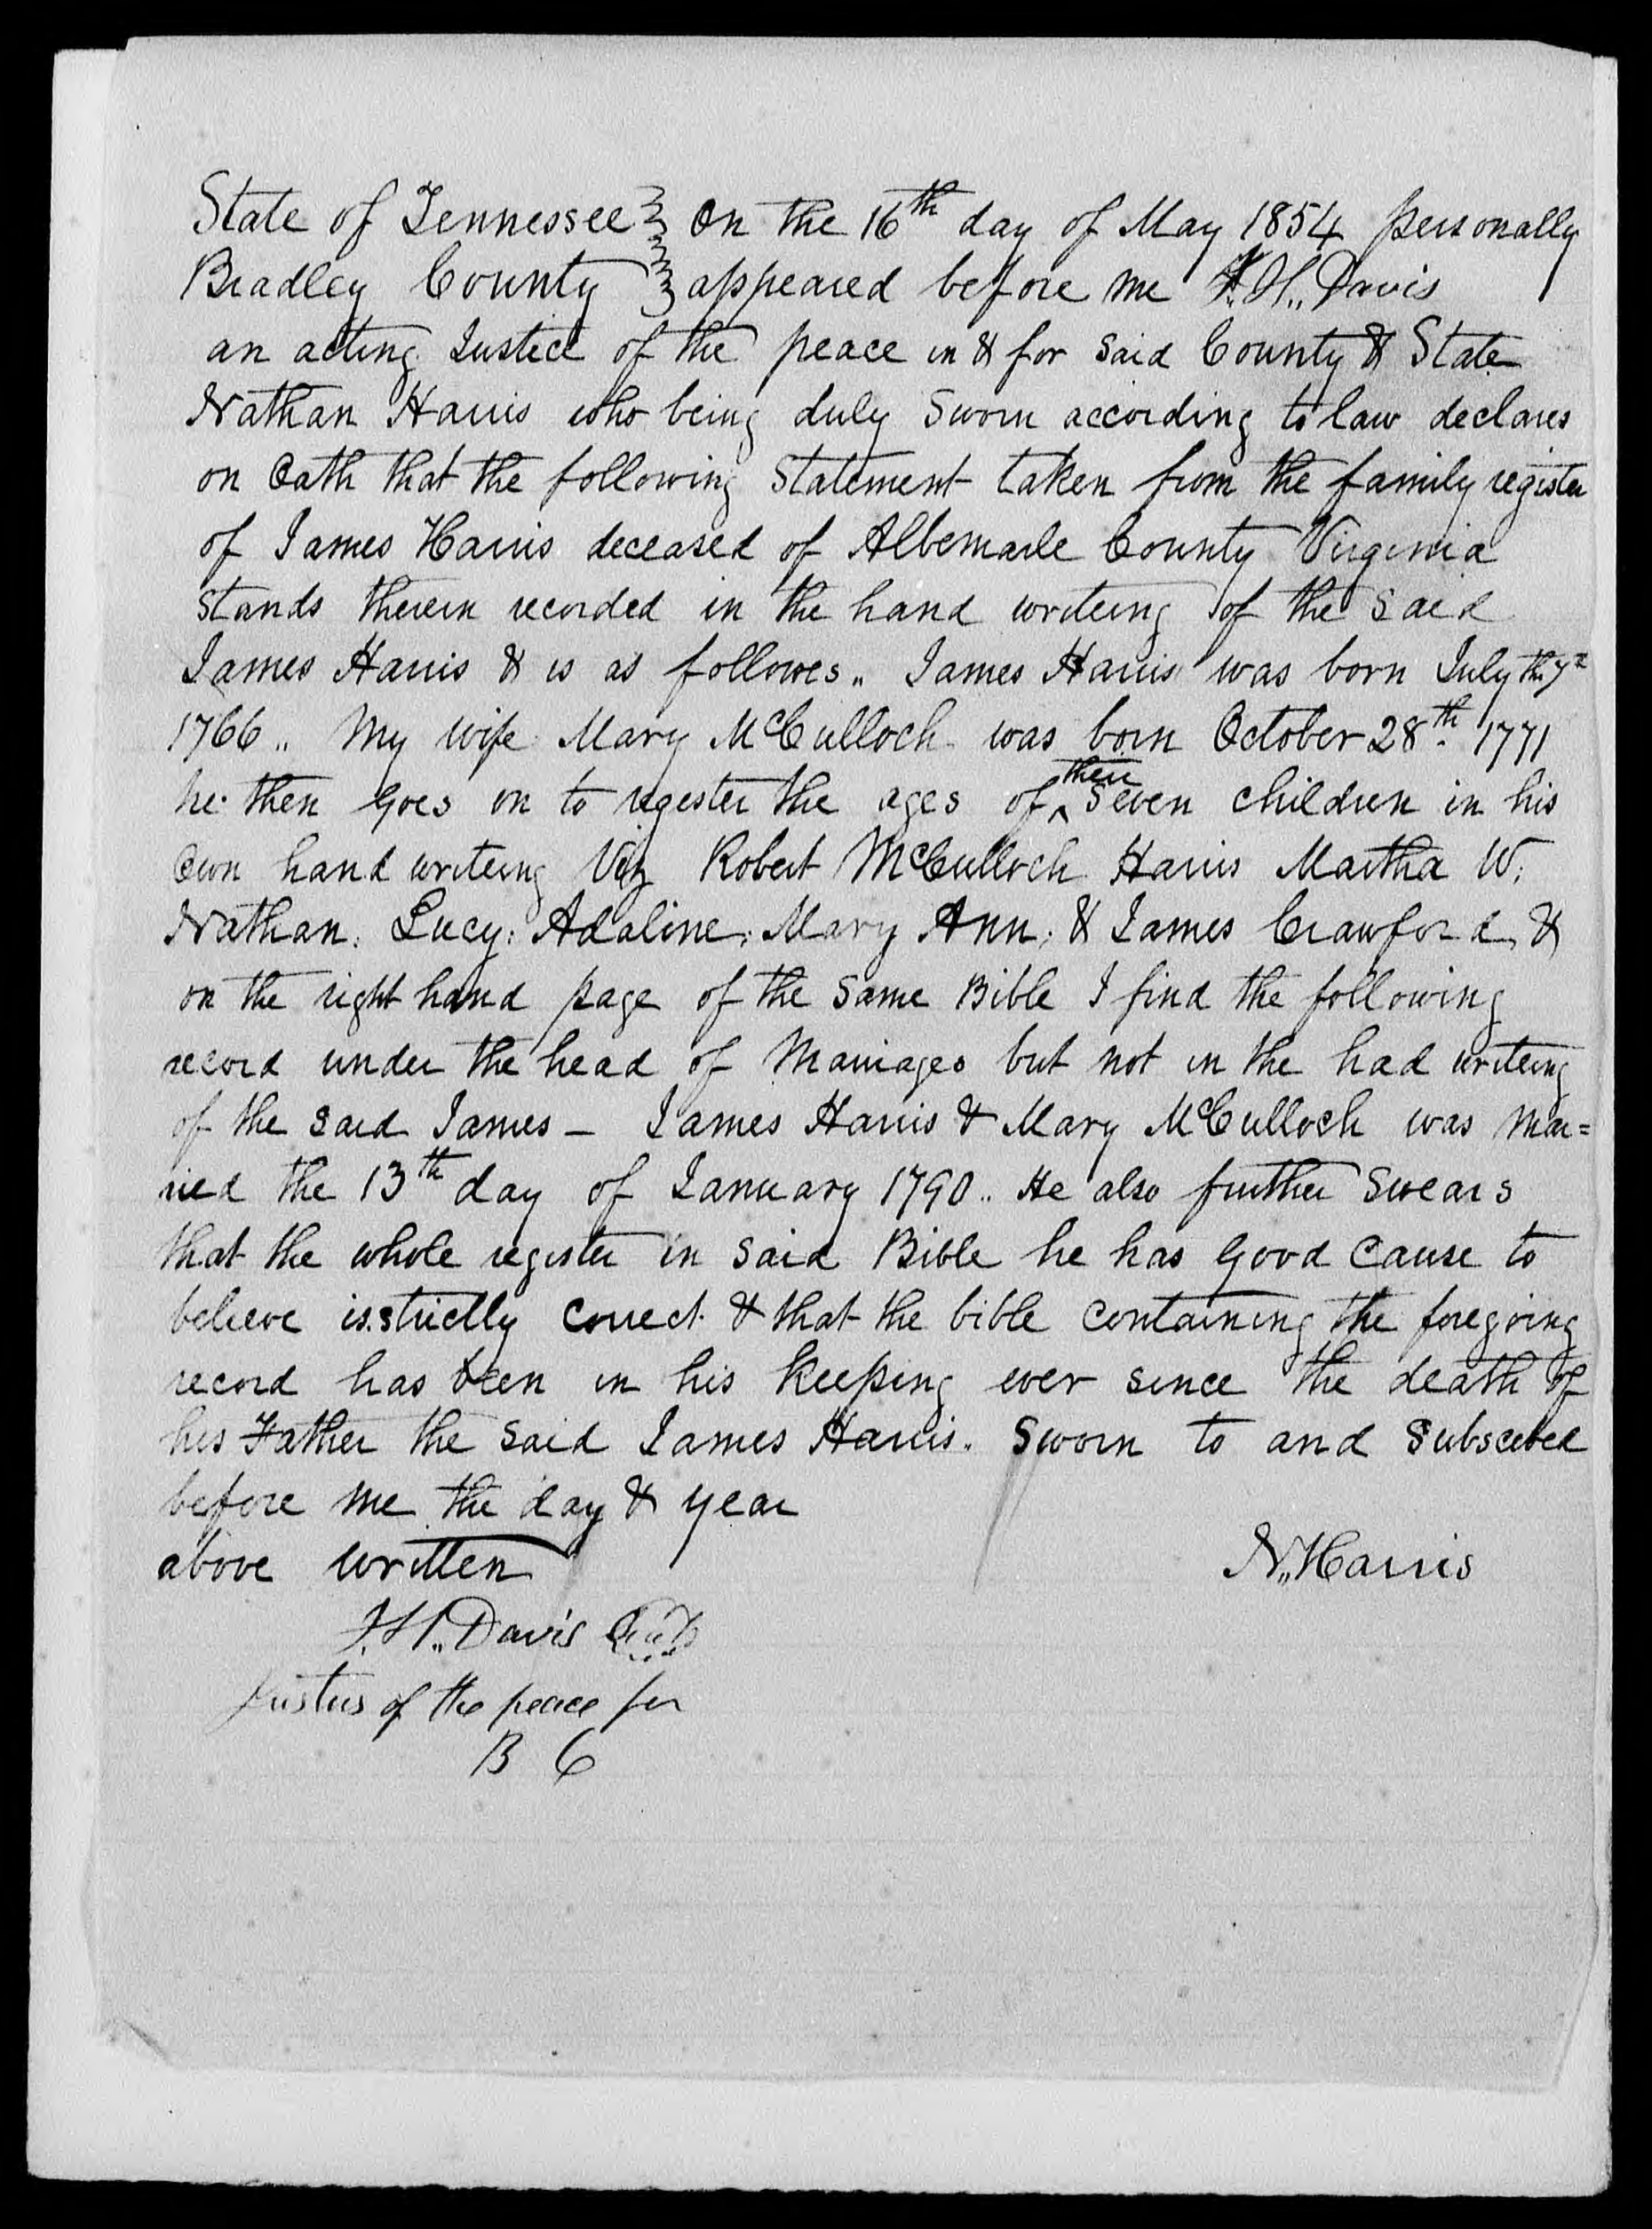State of Tennessee} 
Bradley County}

On the 16th day of May 1854 personally appeared before me J H Davis
an acting Justice of the peace in & for said county & state
Nathan Harris who being duly sworn according to the law declares
on oath that the following statement taken from the family register
of James Harris deceased of Albemarle County Virginia
stands therein recorded in the hand writing of the said
James Harris & is as follows, James Harris was born July [?]
1766. My wife Mary McCulloch was born October 28th 1771
he then goes on to register the ages of their seven children in his
own handwriting viz Robert McCulloch Harris Martha W, 
Nathan, Lucy, Adaline, Mary Ann & James Crawford &
on the right hand page of the same Bible I find the following
record under the head of marriages but not in the had [sic] writing
of the said James - James Harris & Mary McCulloch was married the 13th day of January 1790. He also further swears
that the whole register in said Bible he has good cause to
believe is strictly correct & that the bible containing the foregoing
record has been in his keeping ever since the death of
his father the said James Harris. Sworn to and subscribed
before me the day & year
above written     N Harris
J H Davis
Justice of the peace for
B C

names: Nathan Harris, Mary Mc Culloch, James Harris, J H Davis, Adaline Crawford, James Harris, Nathan Crawford, N Harris, James, Mary Mc Culloch, Robert Mc Culloch Harris, Lucy Crawford, Mary Ann Crawford, Martha W Crawford, James Harris, James Harris, J H Davis, James Crawford, James Harris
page: 4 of 160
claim: rejected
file: R. 4666, James Harris, Va.